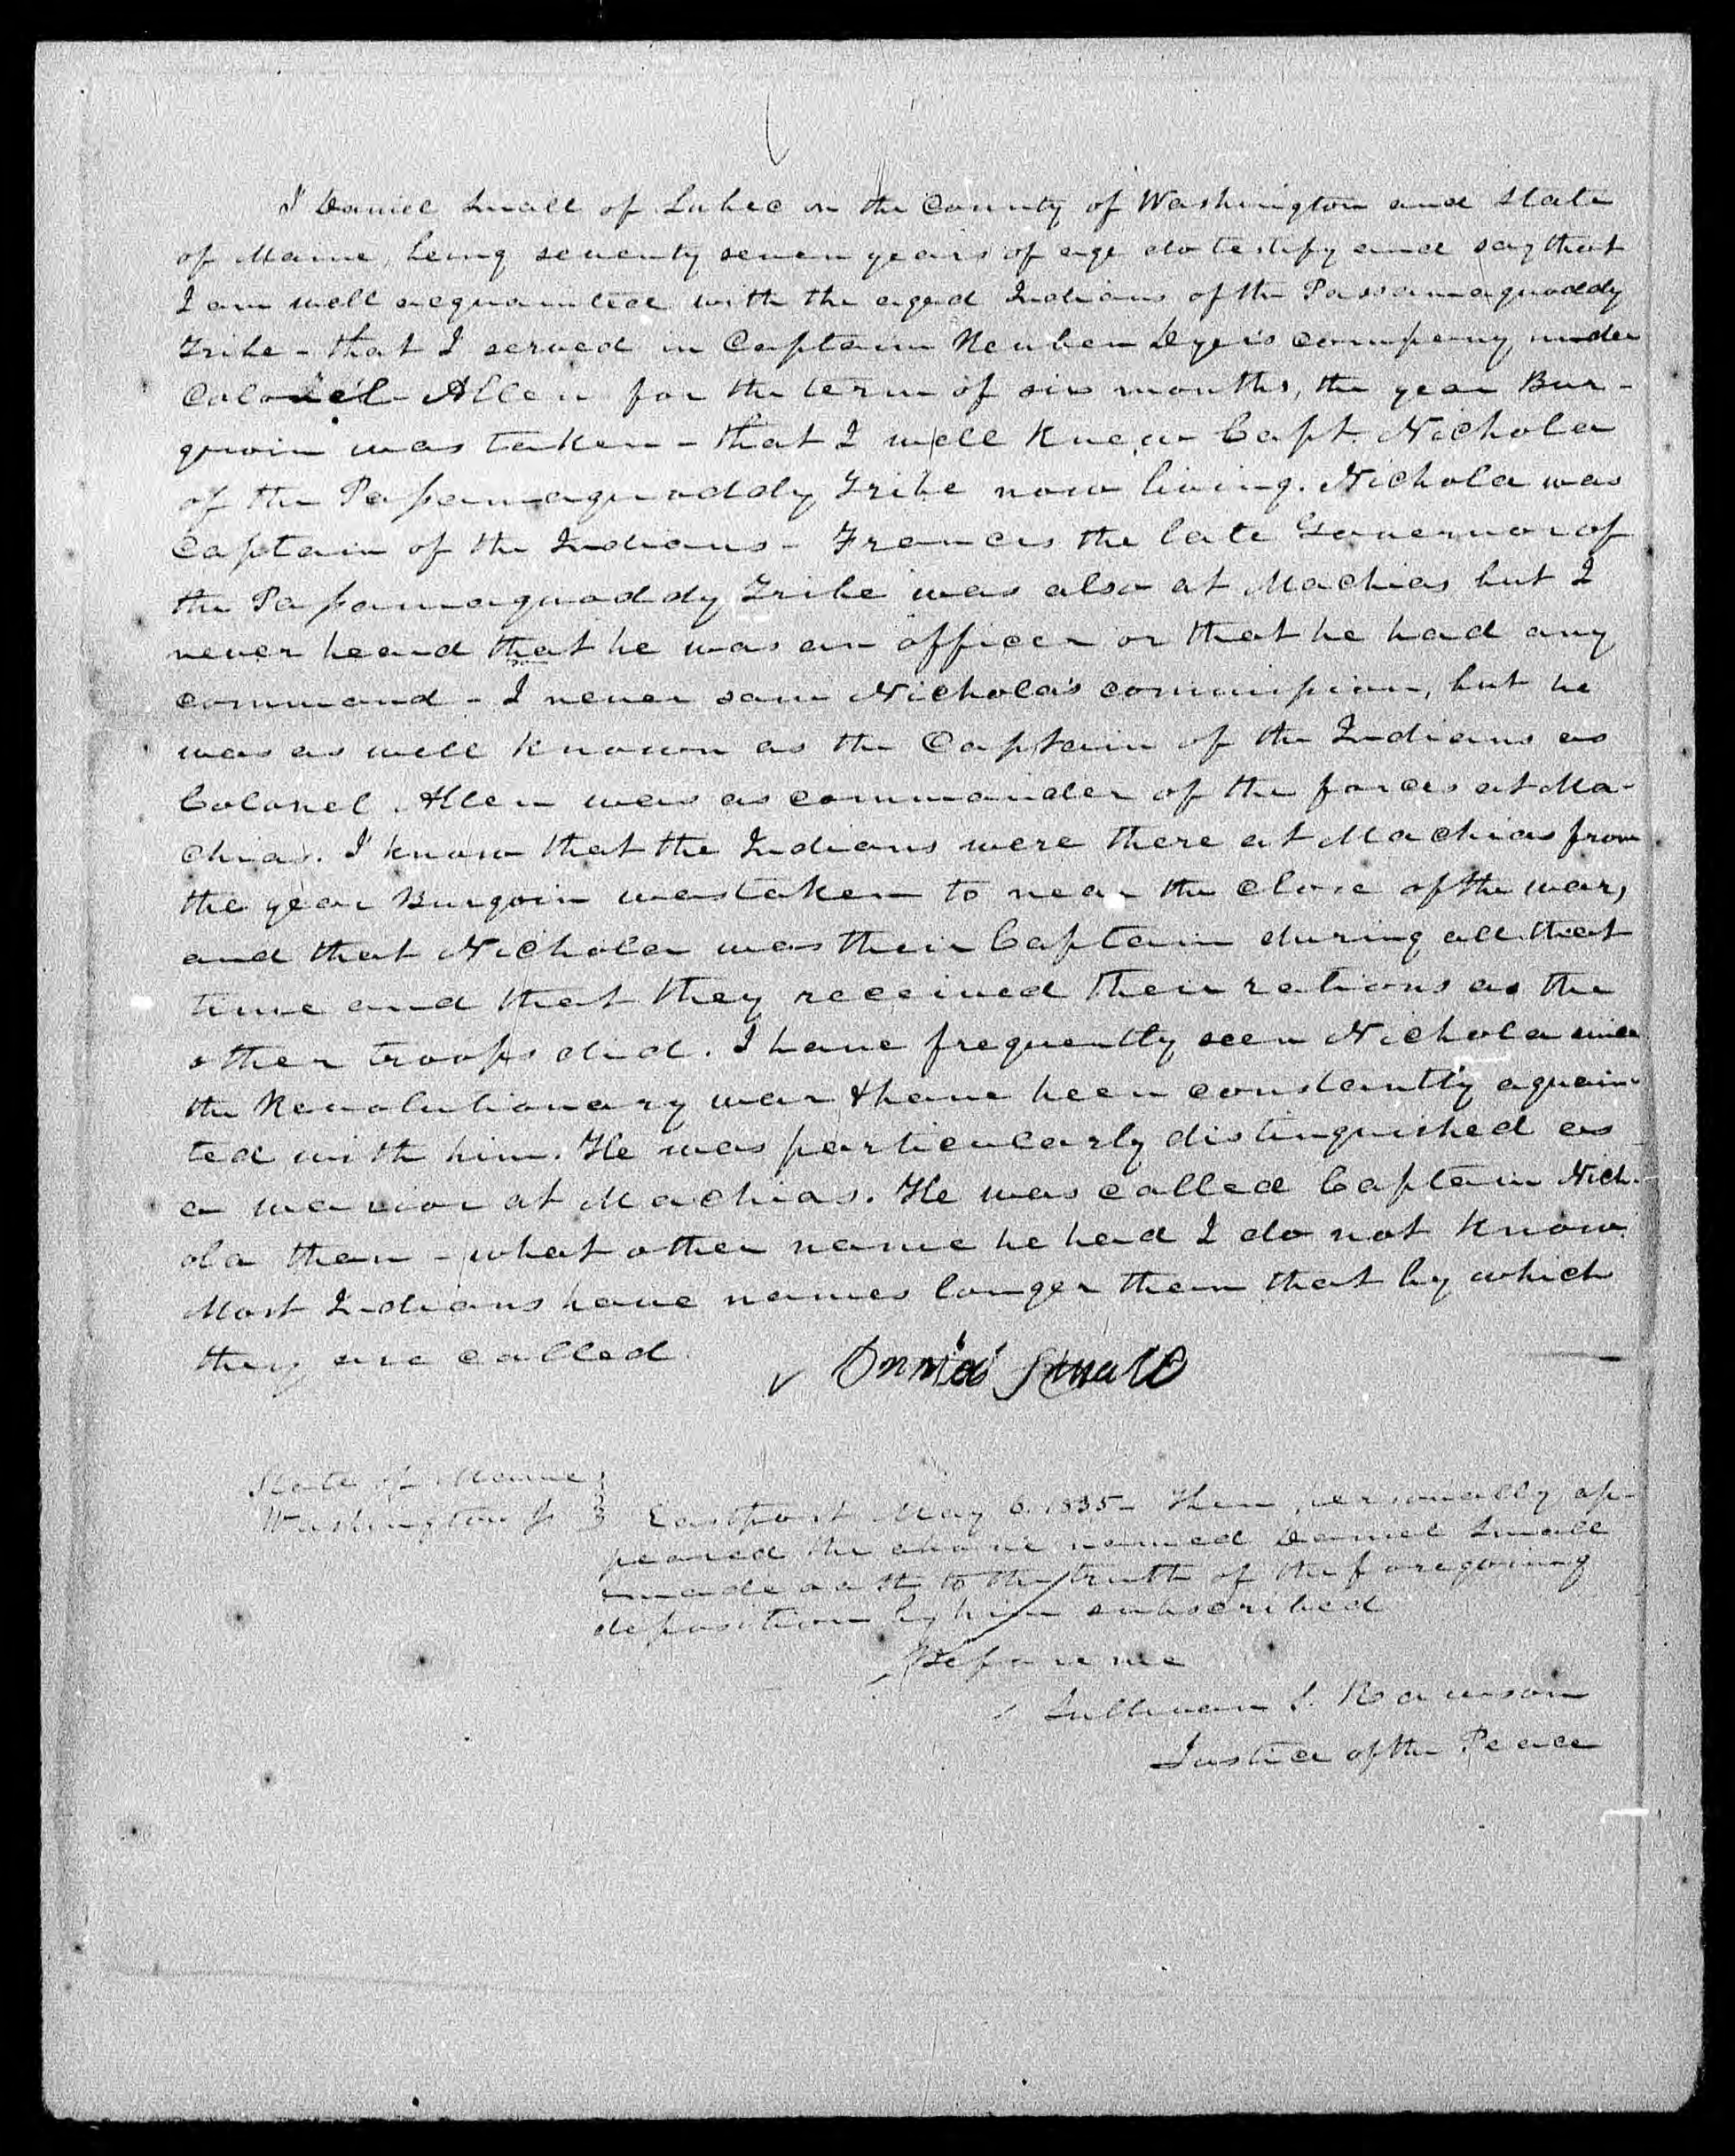I Daniel Small of [Lubeo] in the County of Washington and State of Maine, being seventy seven years of age do testify and say that I am well acquainted with the [aged] Indians of the Passamaquoddy Tribe--that I served in Captain [Neuben] Dyer's company, under Colonel Allen for the term of six months, the year [Burgovia] was taken--that I well knew Capt Nicholar of the Passamaquoddy Tribe now living. Nicholar was Captain of the Indians--Francis the late Governor of the Passamaquoddy Tribe was also at Machias but I never heard that he was an officer or that he had any command--I never saw Nicholar's [commispican], but he was as well known as the Captain of the Indians as Colonel. [Allen] were as commander of the forces at Machias. I know that the Indians were there at Machias from the year [Burgoin] was taken to near the close of the war and that Nicholar was their Captain during all this time and that they received their rations as the other troops did. I have frequently seen Nicholar with the Revolutionary war there been constantly acquainted with him. He was particularly distinguished as a warrior at Machias. He was called Captain Nicholar then--what other name he had I do not know. Most Indians have names longer than that by which they were called.
Daniel Small

State of Maine
Washington [J.]
Eastport May 6, 1835--These, [especially] appeared the [? ?] Daniel Small [?] to the truth of the foregoing deposition by him subscribed
[?]
Sullivan S. Rawson
Justice of the Peace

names: Daniel Small, Nichola, John Allen, Sullivan S Rawson, Nichola, Nichola, Allen, Nichola, Nichola, Francis, Daniel Small, Daniel Small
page: 37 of 52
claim: survivor's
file: S 17997, Nicholas Hawwawas, Mass.